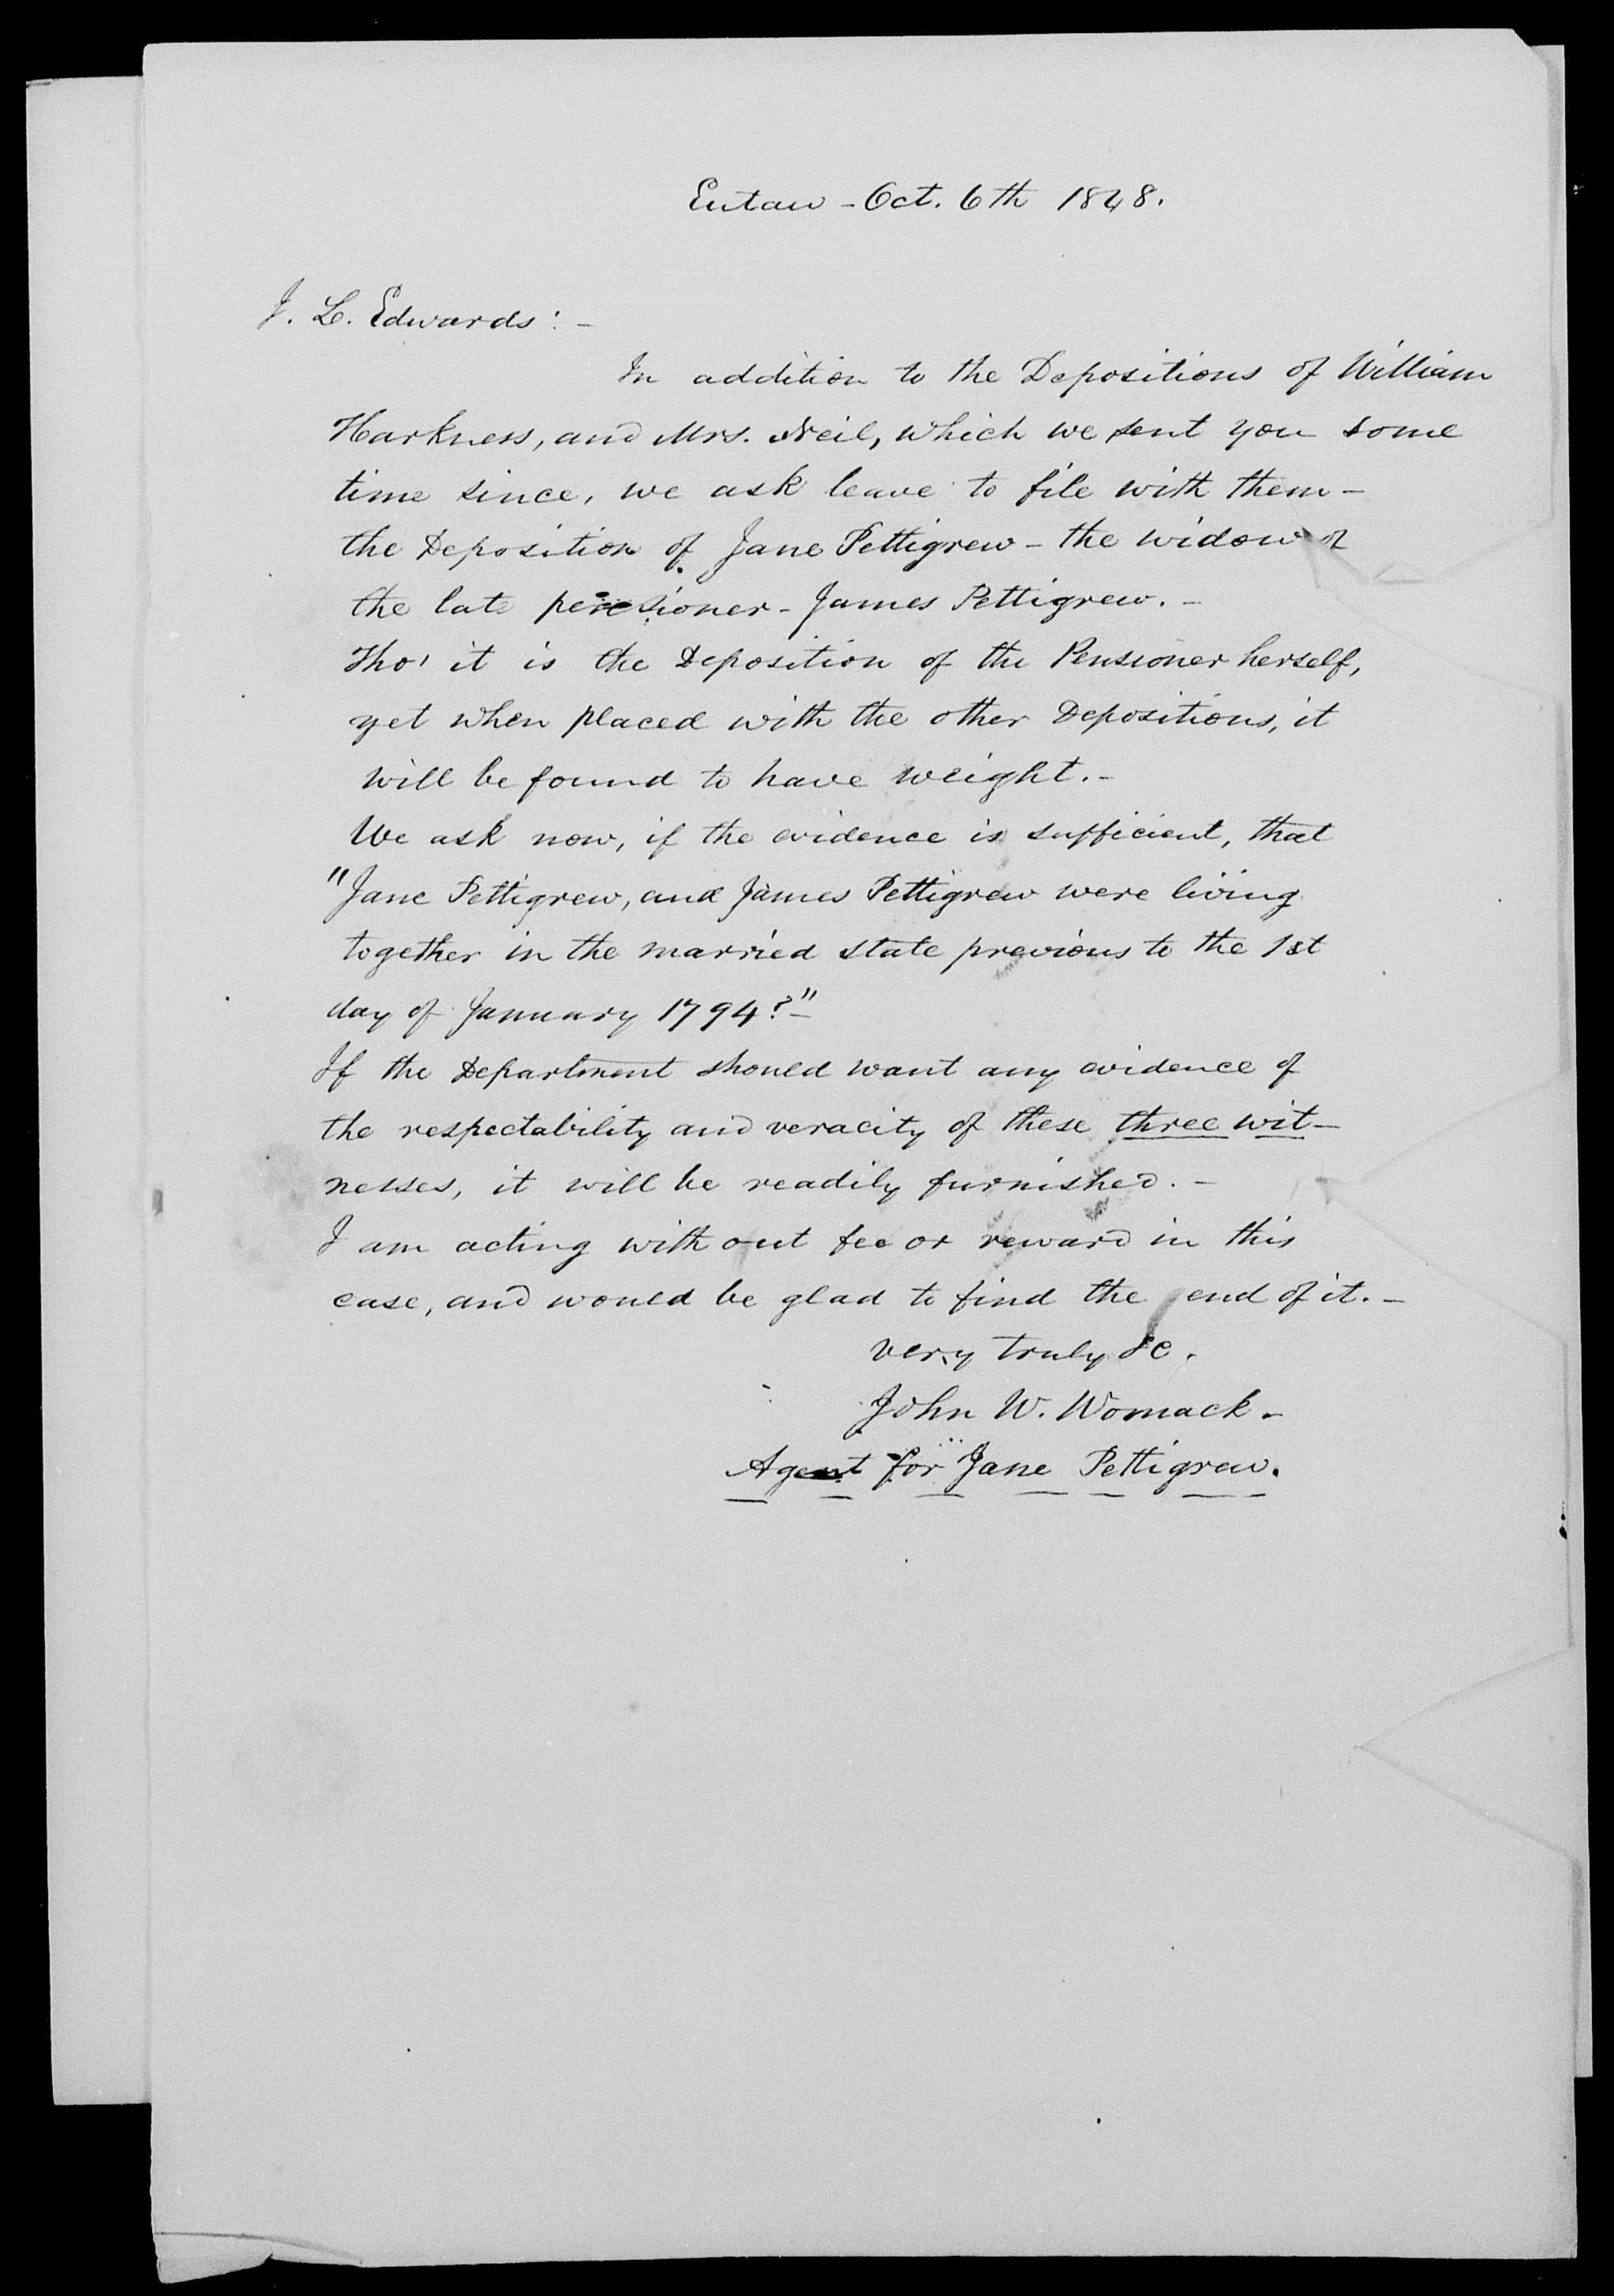Eutaw - Oct. 6th 1848.

J. L. Edwards:-
In addition to the Depositions of William Harkness, and Mrs. Neil, which we sent you some time since, we ask leave to file with them - The Deposition of Janes Pettigrew - the widow of the late pensioner - James Pettigrew. -
Tho' it is the deposition of the Pensioner herself, yet when placed with the ither depositions, it will be found to have weight. -
We ask now if the evidence is sufficient, that "Jane Pettigrew, and James Pettigrew were living together in the married state previous to the 1st day of January 1794?"-
If the Department should want any evidence of the respectability and veracity of these three witnesses, it will be readily furnished. -
I am acting without fee or reward in this ease, and would be glad to find the and of it. -
Very truly JC.
John W. Womack  -
Agent for Jane Pettigrew.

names: James Pettigrew; John W Womack; [BLANK] Neil; Jane Pettigrew; William Harkness; J L Edwards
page: 70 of 92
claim: widow's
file: W. 5522, for James Pettigrew, South Carolina